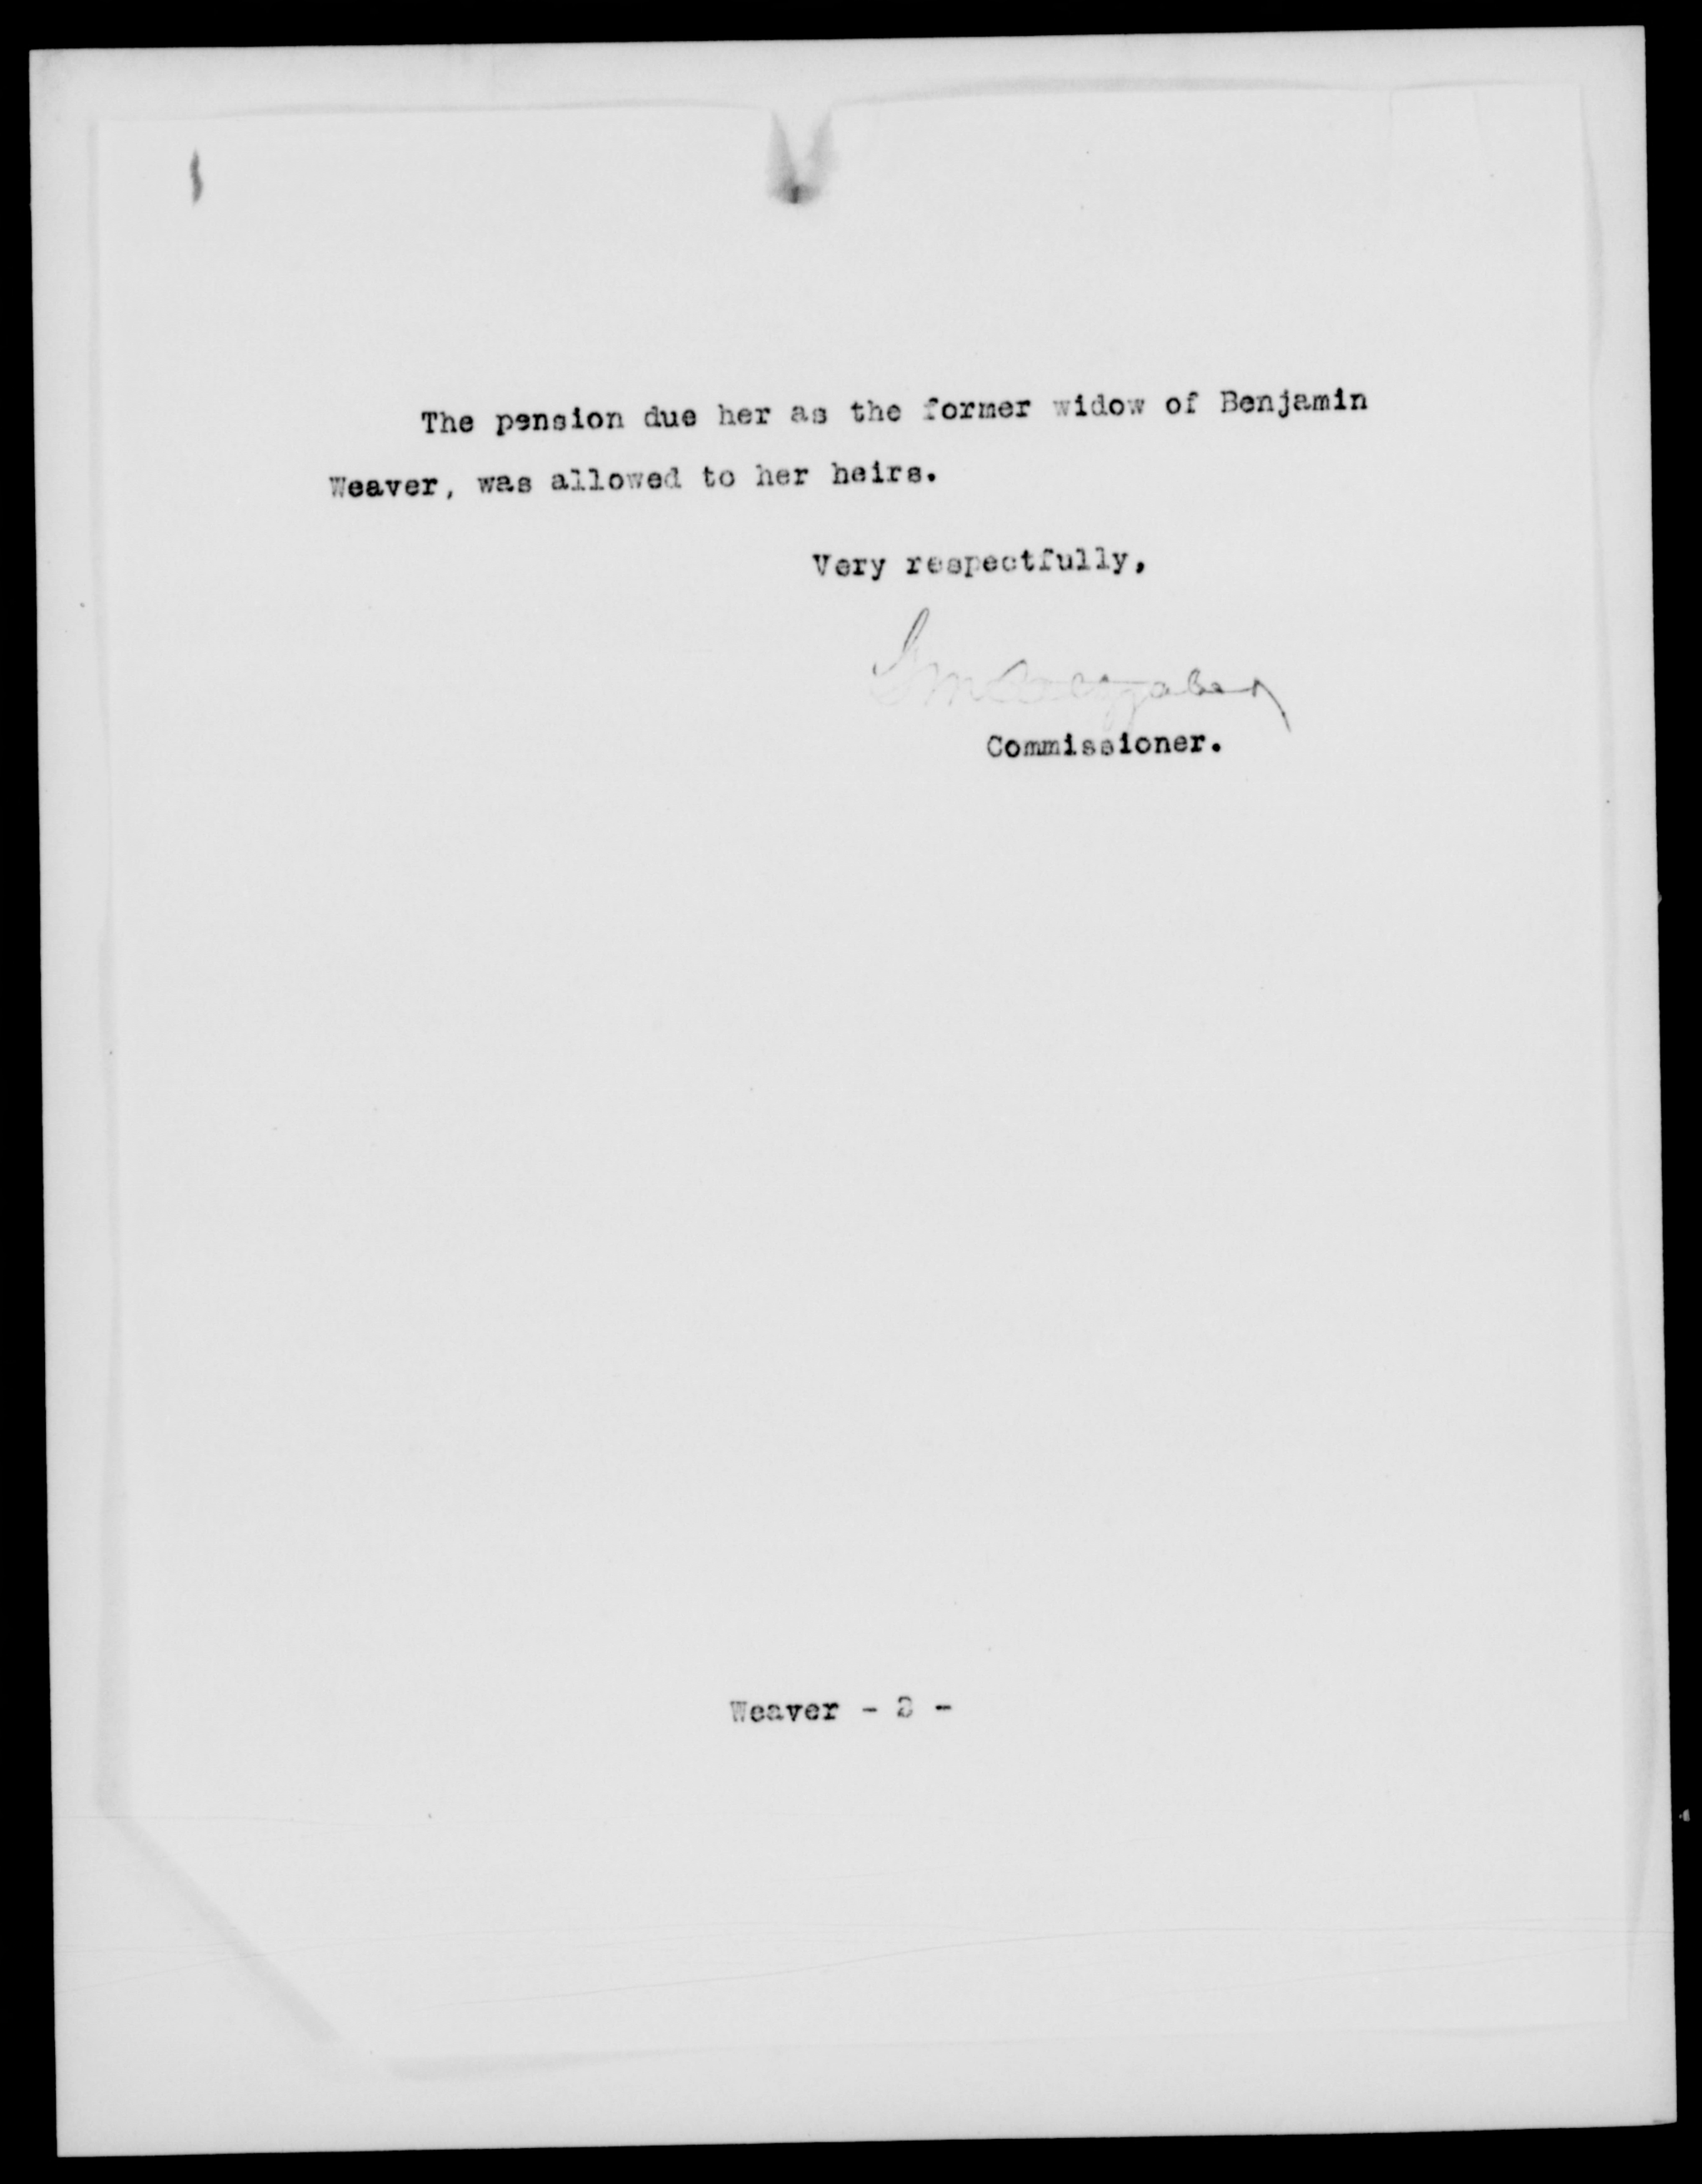the pension due her as the former widow of Benjamin Weaver, was allowed to her heirs.

Very respectfully,
GM Saltzgaber
Commissioner.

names: G M Saltzgaber, Benjamin Weaver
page: 50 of 53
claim: widow's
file: W 17707, Benjamin Weaver, R.I.